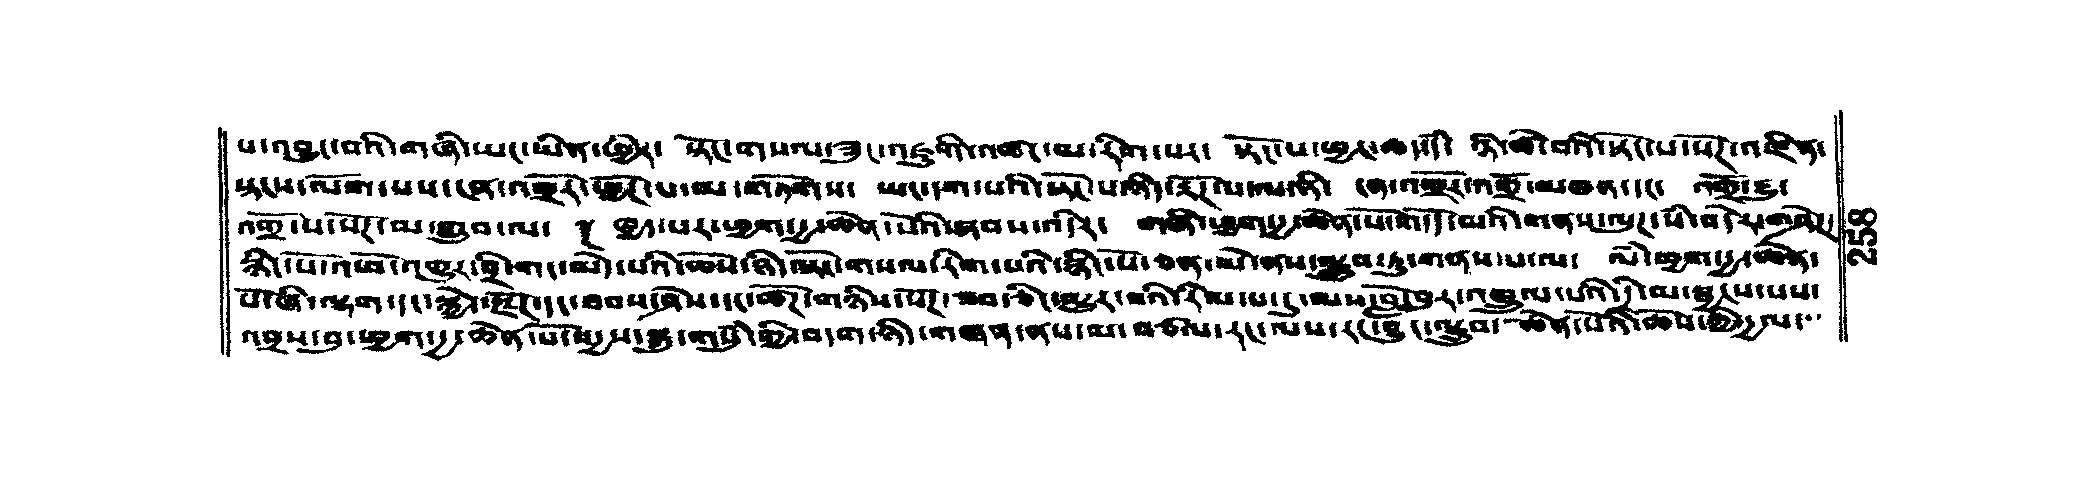པ་འབྱུང་བའི་གཞི་ཡང་ཡིན་ཕྱིར། སྟོང་གསལ་ཟུང་འཇུག་གི་མཚང་མ་རིག་པར། སྟོང་པ་ཕྱང་ཆད་དམ། ཉི་ཚེ་བའི་སྟོང་པ་སོགས་འཛིན་
སྟངས་ལོག་པས་ངན་འགྲོར་ཕྱོགས་པ་མ་གཏོགས། ཡང་དག་པའི་སྟོང་པ་ཉིད་རྟོགས་པ་ལ་ནི།ངན་འགྲོར་འགྲོ་མཁན་དང་། འགྲོ་རྒྱུ་
འགྲོ་ས་སོགས་མ་གྲུབ་ལ། ཁྱད་པར་ཕྱག་རྒྱ་ཆེན་པོའི་སྐབས་འདིར། གཞི་ཕྱག་རྒྱ་ཆེན་པོ་གདོད་མའི་གནས་ལུགས་སམ་བདེ་གཤེགས་
སྙིང་པོ་འཕོ་འགྱུར་བྲི་གང་མེད་པའི་ཆོས་ཉིད་སྟོང་གསལ་རིག་པའི་སྙིང་པོ་ཅན་ཡེ་ནས་ལྷུན་གྲུབ་ཏུ་གནས་པ་ལ། ལམ་ཕྱག་རྒྱ་ཆེན་
པོ་ཞི་ལྷག་དང་བསྐྱེད་རྫོགས་དང་ཐབས་ཤེས་དང་ཚོགས་གཉིས་སོགས་ཟབ་ཅིང་མྱུར་བའི་རིམ་པ་དུ་མས་བློ་བུར་འཁྲུལ་པའི་དྲི་མ་སྦྱངས་པས་
འབྲས་བུ་ཕྱག་རྒྱ་ཆེན་པོ་སངས་རྒྱས་སྐུ་གསུམ་གྱི་བདག་ཉིད་གཞན་ནས་མ་བཙལ་རང་ལས་རང་བྱུང་ལྷུན་གྲུབ་ཆེན་པོའི་ཆོས་ཀྱི་རྒྱལ་